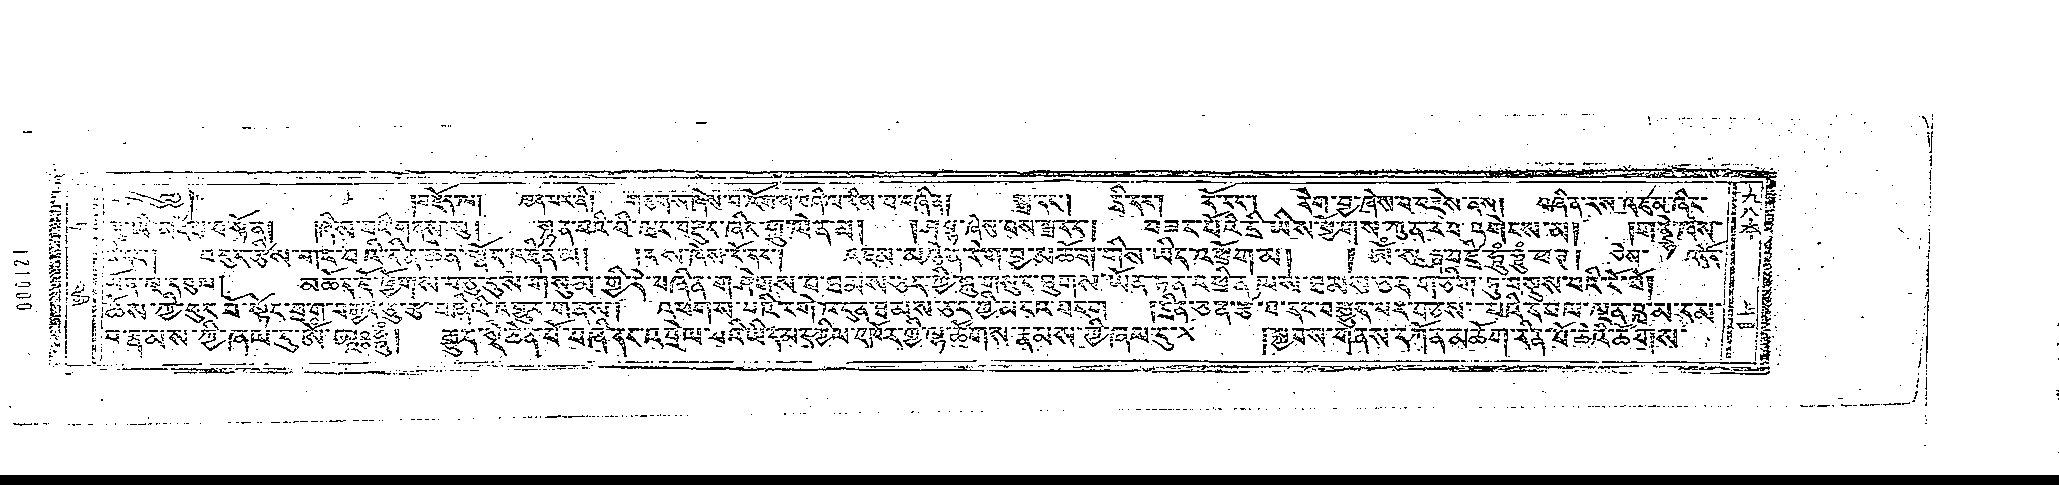༄༅། །བརྗོད་ལ། ཁྱད་པར་ནི། གཟུགས་ཞེས་པ་འོག་མ་བཞི་ལ་རིམ་པ་བཞིན། སྒྲ་དང་། དྲི་དང་། རོ་དང་། རེག་བྱ་ཞེས་པ་བརྗེས་ནས། བཞིན་རས་འཛུམ་ཞིང་
སྐུ་ཡི་མཛེས་པ་སྟོན། །ཞེས་པའི་གནས་སུ། སྙན་པའི་པི་ཝང་བརྡུང་ཞིང་གླུ་ལེན་མ། །ཤཔྟ་ཞེས་པས་སྒྲ་དང་། བཟང་པོའི་དྲི་ཡིས་ཕྱོགས་ཀུན་རབ་འགེངས་མ། །གནྡྷེ་ཞེས་
དྲི་དང་། བདུད་རྩིས་གང་བའི་རིན་ཆེན་སྣོད་འཛིན་མ། །རས་ཞེས་རོ་དང་། འཇམ་མཉེན་རེག་བྱ་མཆོག་གིས་ཡིད་འཕྲོག་མ། །ཨོཾ་སྤརྴ་བཛྲི་ཧཱུཾ་ཧཱུཾ་ཕཊ། ཅེས་འདོད་
ཡོན་ལྔ་དབུལ། མཆོད་དོ་ཕྱོགས་བཅུ་དུས་གསུམ་གྱི་དེ་བཞིན་གཤེགས་པ་ཐམས་ཅད་ཀྱི་སྐུ་གསུང་ཐུགས་ཡོན་ཏན་འཕྲིན་ལས་ཐམས་ཅད་གཅིག་ཏུ་བསྡུས་པའི་ངོ་བོ།
ཆོས་ཀྱི་ཕུང་པོ་སྟོང་ཕྲག་བརྒྱ་ཅུ་རྩ་བཞིའི་འབྱུང་གནས། འཕགས་པའི་དགེ་འདུན་ཐམས་ཅད་ཀྱི་མངའ་བདག །དྲིན་ཅན་རྩ་བ་དང་བརྒྱུད་པར་བཅས་པའི་དཔལ་ལྡན་བླ་མ་དམ་
པ་རྣམས་ཀྱི་ཞལ་དུ་ཨོཾ་ཨཱཿ་ཧཱུཾ། རྒྱུད་སྡེ་ཆེན་པོ་བཞི་དང་འབྲེལ་བའི་ཡི་དམ་དཀྱིལ་འཁོར་གྱི་ལྷ་ཚོགས་རྣམས་ཀྱི་ཞལ་དུ་྾་།སྐྱབས་གནས་དཀོན་མཆོག་རིན་པོ་ཆེའི་ཚོགས་